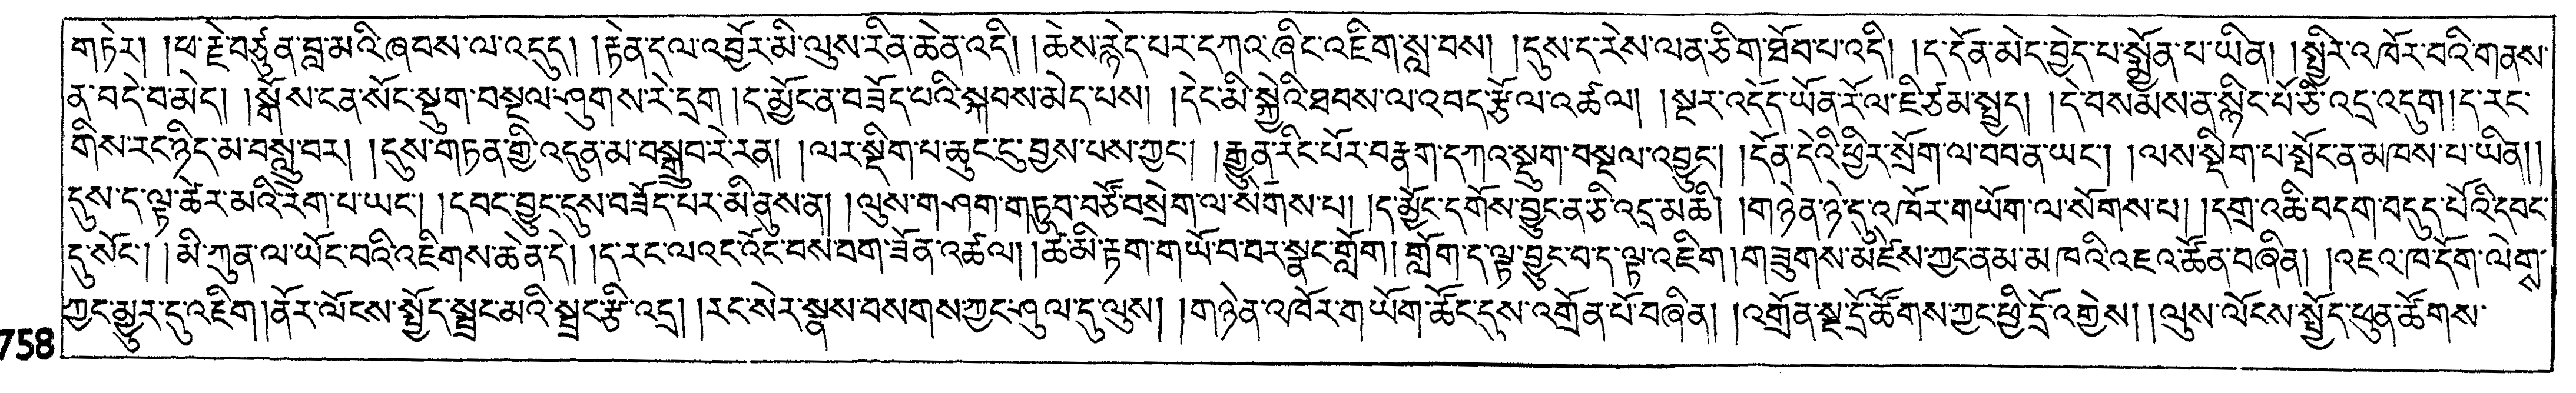གཏེར། །ཕ་རྗེ་བཙུན་བླ་མའི་ཞབས་ལ་འདུད། །རྟེན་དལ་འབྱོར་མི་ལུས་རིན་ཆེན་འདི། །ཆེས་རྙེད་པར་དཀའ་ཞིང་འཇིག་སླ་བས། །དུས་ད་རེས་ལན་ཅིག་ཐོབ་པ་འདི། །ད་དོན་མེད་བྱེད་པ་སྨྱོན་པ་ཡིན། །སྤྱིར་འཁོར་བའི་གནས་
ན་བདེ་བ་མེད། །སྒོས་ངན་སོང་སྡུག་བསྔལ་ཤུགས་རེ་དྲག །ད་མྱོང་ན་བཟོད་པའི་སྐབས་མེད་པས། །དེང་མི་སྐྱེའི་ཐབས་ལ་འབད་རྩོལ་འཚལ། །སྔར་འདོད་ཡོན་རོ་ལ་ཇི་ཙམ་སྤྱད། །དེ་བསམས་ན་སྙིང་པོ་ཅི་འདྲ་འདུག །ད་རང་
གིས་རང་ཉིད་མ་བསླུ་བར། །དུས་གཏན་གྱི་འདུན་མ་བསྒྲུབ་རེ་རན། །ལར་སྡིག་པ་ཆུང་ངུ་བྱས་པས་ཀྱང་། །རྒྱུན་རིང་པོར་བརྣག་དཀའ་སྡུག་བསྔལ་འབྱུང་། །དོན་དེའི་ཕྱིར་སྲོག་ལ་བབ་ན་ཡང་། །ལས་སྡིག་པ་སྤོང་ན་མཁས་པ་ཡིན། །
དུས་ད་ལྟ་ཚེར་མའི་རེག་པ་ཡང་། །དབང་བྱུང་དུས་བཟོད་པར་མི་ནུས་ན། །ལུས་གཤག་གཏུབ་བཙོ་བསྲེག་ལ་སོགས་པ། །ད་མྱོང་དགོས་བྱུང་ན་ཅི་འདྲ་མཆི། །གཉེན་ཉེ་དུ་འཁོར་གཡོག་ལ་སོགས་པ། །དགྲ་འཆི་བདག་བདུད་པོའི་དབང་
དུ་སོང་། །མི་ཀུན་ལ་ཡོང་བའི་འཇིགས་ཆེན་དེ། །ད་རང་ལའང་འོང་བས་བག་ཟོན་འཚལ། །ཚེ་མི་རྟག་གཡོ་བ་བར་སྣང་གློག །གློག་ད་ལྟ་བྱུང་བ་ད་ལྟ་འཇིག །གཟུགས་མཛེས་ཀྱང་ནམ་མཁའི་འཇའ་ཚོན་བཞིན། །འཇའ་ཁ་དོག་ལེགས་
ཀྱང་མྱུར་དུ་འཇིག །ནོར་ལོངས་སྤྱོད་སྦྲང་མའི་སྦྲང་རྩི་འདྲ། །རང་སེར་སྣས་བསགས་ཀྱང་ཤུལ་དུ་ལུས། །གཉེན་འཁོར་གཡོག་ཚོང་དུས་འགྲོན་པོ་བཞིན། །འགྲོན་སྔ་དྲོ་ཚོགས་ཀྱང་ཕྱི་དྲོ་འགྱེས། །ལུས་ལོངས་སྤྱོད་ཕུན་ཚོགས་